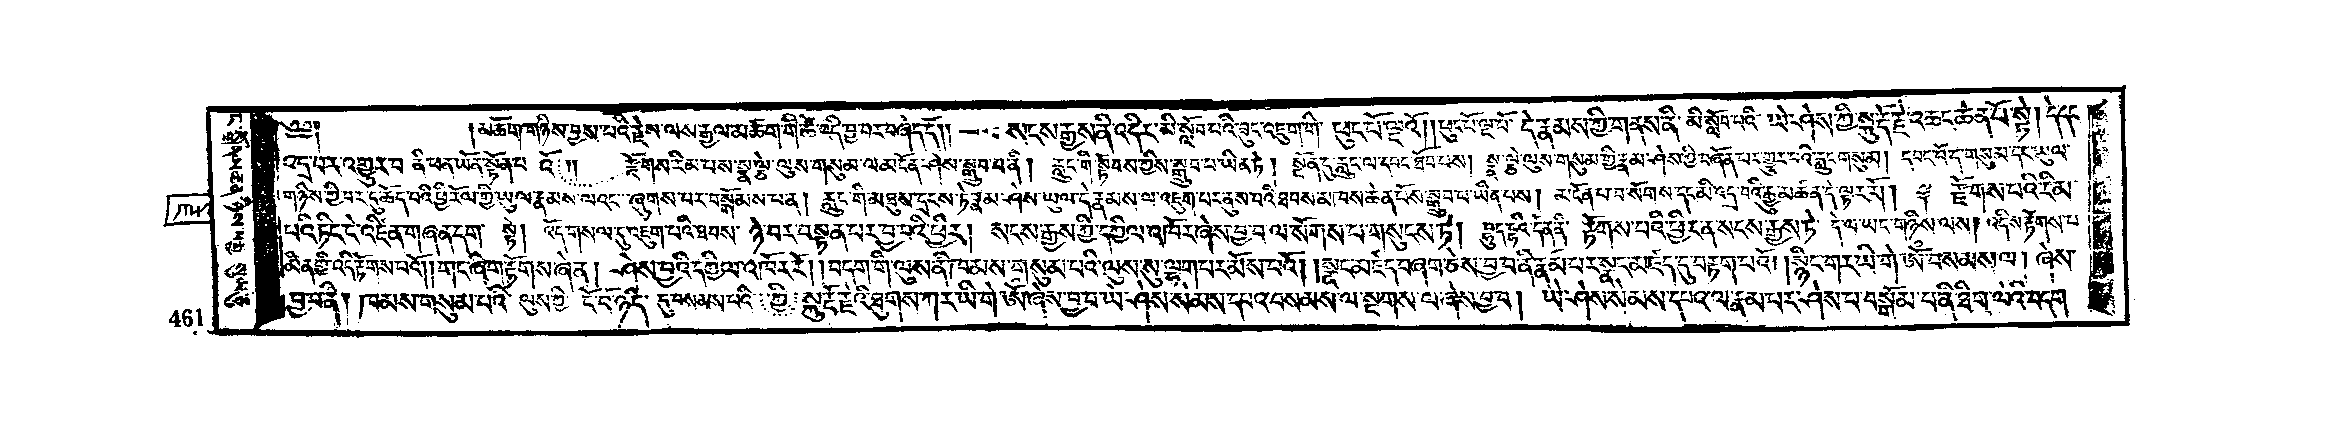༄༅། །མཆོག་གཉིས་བྱས་པའི་རྗེས་ལས་རྒྱལ་མཆོག་གི་ཚེ་འདི་བྱ་བར་བཞེད་དོ།།.H སངས་རྒྱས་ནི་འདིར་མི་སློབ་པའི་ཟུང་འཇུག་གི་ཕུང་པོ་ལྔའོ། །ཕུང་པོ་ལྔ་པོ་དེ་རྣམས་ཀྱི་གནས་ནི་མི་སློབ་པའི་ཡེ་ཤེས་ཀྱི་སྐུ་རྡོ་རྗེ་འཆང་ཆེན་པོ་སྟེ། དེ་དང་
འདྲ་བར་འགྱུར་བ་ནི་ཕན་ཡོན་སྟོན་པའོ།། རྫོགས་རིམ་པས་སྣ་ལྕེ་ལུས་གསུམ་ལ་མངོན་ཤེས་སྒྲུབ་པ་ནི། རླུང་གི་སྟོབས་ཀྱིས་སྒྲུབ་པ་ཡིན་ཏེ། སྔོན་དུ་རླུང་ལ་དབང་ཐོབ་པས། སྣ་ལྕེ་ལུས་གསུམ་གྱི་རྣམ་ཤེས་ཀྱི་བཞོན་པར་གྱུར་པའི་རླུང་གསུམ། དབང་པོ་དེ་གསུམ་དང་ཡུལ་
གཉིས་ཀྱི་བར་དུ་ཆོད་པའི་ཕྱི་རོལ་གྱི་ཡུལ་རྣམས་ལའང་ཞུགས་པར་བསྒོམས་པ་ན། རླུང་གི་མཐུས་དྲངས་ཏེ་རྣམ་ཤེས་ཡུལ་དེ་རྣམས་ལ་འཇུག་པར་ནུས་པའི་ཐབས་མཁས་ཆེན་པོས་སྒྲུབ་པ་ཡིན་པས། མངོན་པ་བ་སོགས་དང་མི་འདྲ་བའི་རྒྱུ་མཚན་དེ་ལྟར་རོ།། ༈ རྫོགས་པའི་རིམ་
པའི་ཏིང་ངེ་འཛིན་གཞན་དག་སྟེ། འོད་གསལ་དུ་འཇུག་པའི་ཐབས་ཉེ་བར་བསྟན་པར་བྱ་བའི་ཕྱིར། སངས་རྒྱས་ཀྱི་དཀྱིལ་འཁོར་ཞེས་བྱ་བ་ལ་སོགས་པ་གསུངས་ཏེ། བྷུད་དྷའི་དོན་ནི་རྟོགས་པའི་ཕྱིར་ན་སངས་རྒྱས་ཏེ་དེ་ལ་ཡང་གཉིས་ལས། འདིས་རྟོགས་པ་
མིན་གྱི་འདི་རྟོགས་པའོ། །གང་ཞིག་རྟོགས་ཞེ་ན། ཤེས་བྱའི་དཀྱིལ་འཁོར་རོ། །བདག་གི་ལུས་ནི་ཁམས་གསུམ་པའི་ལུས་སུ་ལྷག་པར་མོས་པའོ། །སྣང་མཛད་བཞག་ཅེས་བྱ་བ་ནི་རྣམ་པར་སྣང་མཛད་དུ་བརྟག་པའོ། །སྙིང་གར་ཡི་གེ་ཨོཾ་བསམས་ལ། ཞེས་
བྱ་བ་ནི། ཁམས་གསུམ་པའི་ལུས་ཀྱི་ངོ་བོ་ཉིད་དུ་བསམས་པའི་ཀྱི་སྐུ་རྡོ་རྗེའི་ཐུགས་ཀར་ཡི་གེ་ཨོཾ་ཞེས་བྱ་བ་ཡེ་ཤེས་སེམས་དཔའ་བསམས་ལ་སྔགས་ལ་ཞེས་བྱ་བ། ཡེ་ཤེས་སེམས་དཔའ་ལ་རྣམ་པར་ཤེས་པ་བསྒོམ་པ་ནི་ཐིག་ལེའི་བདག་